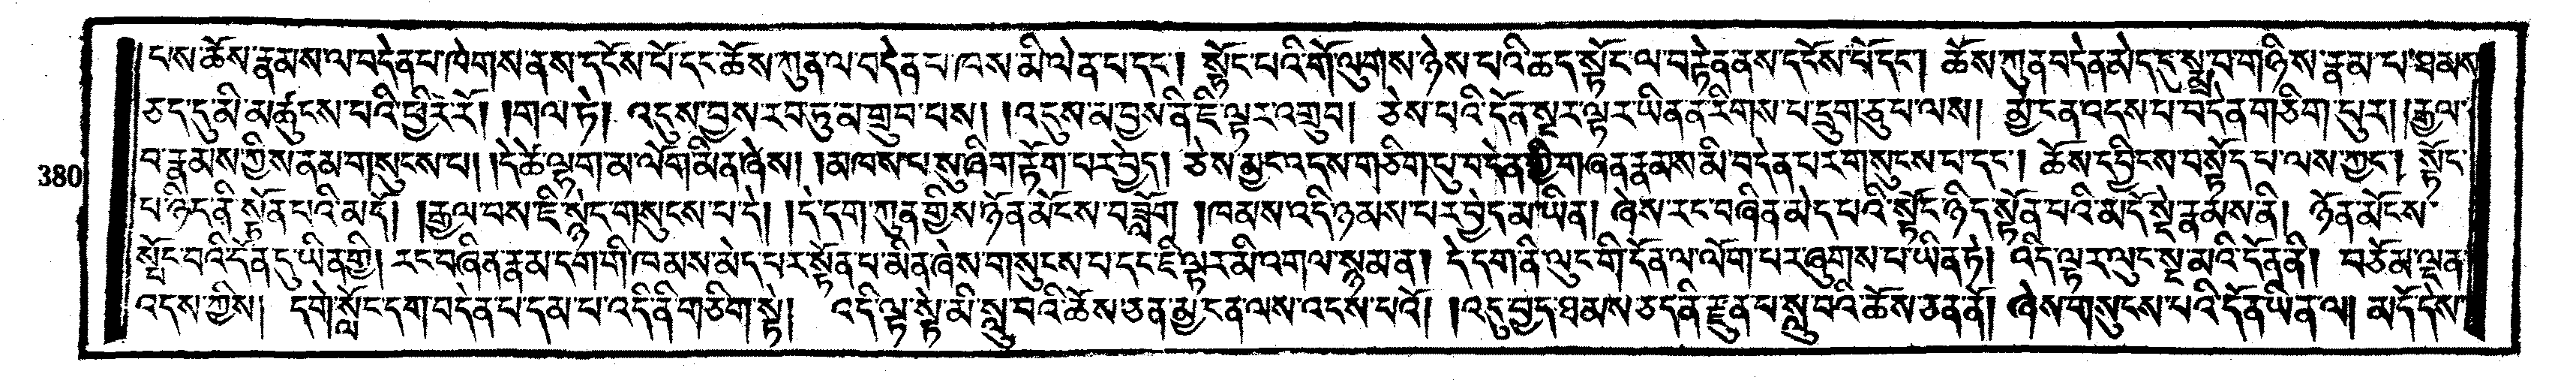པས་ཆོས་རྣམས་ལ་བདེན་པ་ཁེགས་ནས་དངོས་པོ་དང་ཆོས་ཀུན་ལ་བདེན་པ་ཁས་མི་ལེན་པ་དང་། སྟོང་པའི་གོ་ལུགས་ཉེས་པའི་ཆད་སྟོང་ལ་བརྟེན་ནས་དངོས་པོ་དང་། ཆོས་ཀུན་བདེན་མེད་དུ་སྨྲ་བ་གཉིས་རྣམ་པ་ཐམས་
ཅད་དུ་མི་མཚུངས་པའི་ཕྱིར་རོ། །གལ་ཏེ། འདུས་བྱས་རབ་ཏུ་མ་གྲུབ་པས། འདུས་མ་བྱས་ནི་ཇི་ལྟར་འགྲུབ། ཅེས་པའི་དོན་སྔར་ལྟར་ཡིན་ན་རིགས་པ་དྲུག་ཅུ་པ་ལས། མྱ་ངན་འདས་པ་བདེན་གཅིག་པུར། །རྒྱལ་
བ་རྣམས་ཀྱིས་ནམ་གསུངས་པ། །དེ་ཚེ་ལྷག་མ་ལོག་མིན་ཞེས། །མཁས་པ་སུ་ཞིག་རྟོག་པར་བྱེད། ཅེས་མྱང་འདས་གཅིག་པུ་བདེན་གྱི་གཞན་རྣམས་མི་བདེན་པར་གསུངས་པ་དང་། ཆོས་དབྱིངས་བསྟོད་པ་ལས་ཀྱང་། སྟོང་
པ་ཉིད་ནི་སྟོན་པའི་མདོ། །རྒྱལ་བས་ཇི་སྙེད་གསུངས་པ་དེ། །དེ་དག་ཀུན་གྱིས་ཉོན་མོངས་བཟློག །ཁམས་འདི་ཉམས་པར་བྱེད་མ་ཡིན། ཞེས་རང་བཞིན་མེད་པའི་སྟོང་ཉིད་སྟོན་པའི་མདོ་སྡེ་རྣམས་ནི། ཉོན་མོངས་
སྤོང་བའི་དོན་དུ་ཡིན་གྱི། རང་བཞིན་རྣམ་དག་གི་ཁམས་མེད་པར་སྟོན་པ་མིན་པར་སྟོན་པ་མིན་ཞེས་གསུངས་པ་དང་ཇི་ལྟར་མི་འགལ་སྙམ་ན། དེ་དག་ནི་ལུང་གི་དོན་ལ་ལོག་པར་ཞུགས་པ་ཡིན་ཏེ། འདི་ལྟར་ལུང་སྔ་མའི་དོན་ནི། བཅོམ་ལྡན་
འདས་ཀྱིས། དགེ་སློང་དག་བདེན་པ་དམ་པ་འདི་ནི་གཅིག་སྟེ། འདི་ལྟ་སྟེ་མི་སླུ་བའི་ཆོས་ཅན་མྱ་ངན་ལས་འདས་པའོ། །འདུ་བྱད་ཐམས་ཅད་ནི་རྫུན་པ་སླུ་བའི་ཆོས་ཅན་ནོ། ཞེས་གསུངས་པའི་དོན་ཡིན་ལ། མདོ་དེས་